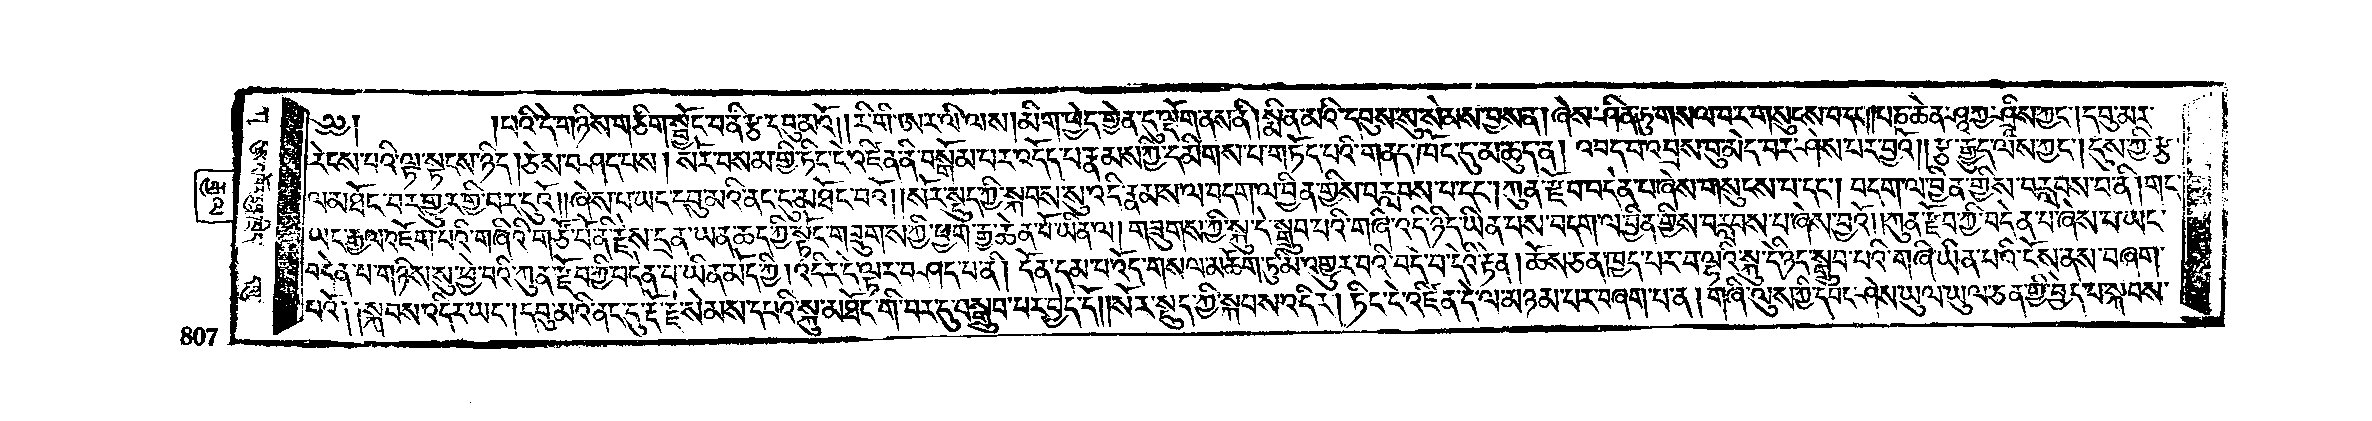༄༅། །པའི་དེ་གཉིས་གཅིག་སྦྱོང་བ་ནི་རྩ་དབུ་མའོ། །རི་གི་ཨ་ར་ལི་ལས། མིག་ཕྱེད་གྱེན་དུ་ལྡོག་ནས་ནི། སྨིན་མའི་དབུས་སུ་སེམས་བྱས་ན། ཞེས་ཤིན་ཏུ་གསལ་བར་གསུངས་པ་དང་། པཎ་ཆེན་ཤཱཀྱ་ཤྲཱིས་ཀྱང་། དབུ་མར་
རེངས་པའི་ལྟ་སྟངས་ཉིད། ཅེས་བཤད་པས། སོར་བསམ་གྱི་ཏིང་ངེ་འཛིན་ནི་བསྒོམ་པར་འདོད་པ་རྣམས་ཀྱི་དམིགས་པ་གཏོད་པའི་གནད་ཁོང་དུ་མ་ཆུད་ན། འབད་པ་འབྲས་བུ་མེད་པར་ཤེས་པར་བྱའོ། །རྩ་རྒྱུད་ལས་ཀྱང་། དུས་ཀྱི་རྩ་
ལ་མཐོང་བར་གྱུར་གྱི་བར་དུའོ། །ཞེས་པ་ཡང་དབུ་མའི་ནང་དུ་མཐོང་བའོ། །སོར་སྡུད་ཀྱི་སྐབས་སུ་འདི་རྣམས་ལ་བདག་ལ་བྱིན་གྱིས་བརླབས་པ་དང་། ཀུན་རྫོབ་བདེན་པ་ཞེས་གསུངས་པ་དང་། བདག་ལ་བྱིན་གྱིས་བརླབས་པ་ནི། གང་
ཡང་རྒྱལ་འཇོག་པའི་གཞིའི་གཙོ་བོ་ནི་རྗེས་དྲན་ཡན་ཆད་ཀྱི་སྟོང་གཟུགས་ཀྱི་ཕྱག་རྒྱ་ཆེན་པོ་ཡིན་ལ། གཟུགས་ཀྱི་སྐུ་དེ་སྒྲུབ་པའི་གཞི་འདི་ཉིད་ཡིན་པས་བདག་ལ་བྱིན་གྱིས་བརླབས་པ་ཞེས་བྱའོ། །ཀུན་རྫོབ་ཀྱི་བདེན་པ་ཞེས་པ་ཡང་
བདེན་པ་གཉིས་སུ་ཕྱེ་བའི་ཀུན་རྫོབ་ཀྱི་བདེན་པ་ཡིན་མོད་ཀྱི། འདིར་དེ་ལྟར་བཤད་པ་ནི། དོན་དམ་པ་འོད་གསལ་མཆོག་ཏུ་མི་འགྱུར་བའི་བདེ་བ་དེའི་རྟེན། ཆོས་ཅན་ཁྱད་པར་བ་ལྷའི་སྐུ་དེ་ཉིད་སྒྲུབ་པའི་གཞི་ཡིན་པའི་ངོས་ནས་བཞག་
པའོ༑ ༑སྐབས་འདིར་ཡང་། དབུ་མའི་ནང་དུ་རྡོ་རྗེ་སེམས་དཔའི་སྐུ་མཐོང་གི་བར་དུ་བསྒྲུབ་པར་བྱེད་དོ། །སོར་སྡུད་ཀྱི་སྐབས་འདིར། ཏིང་ངེ་འཛིན་དེ་ལ་མཉམ་པར་བཞག་པ་ན། གཞི་ལུས་ཀྱི་དབང་ཤེས་ཡུལ་ཡུལ་ཅན་གྱི་བྱེད་པ་སྐབས་